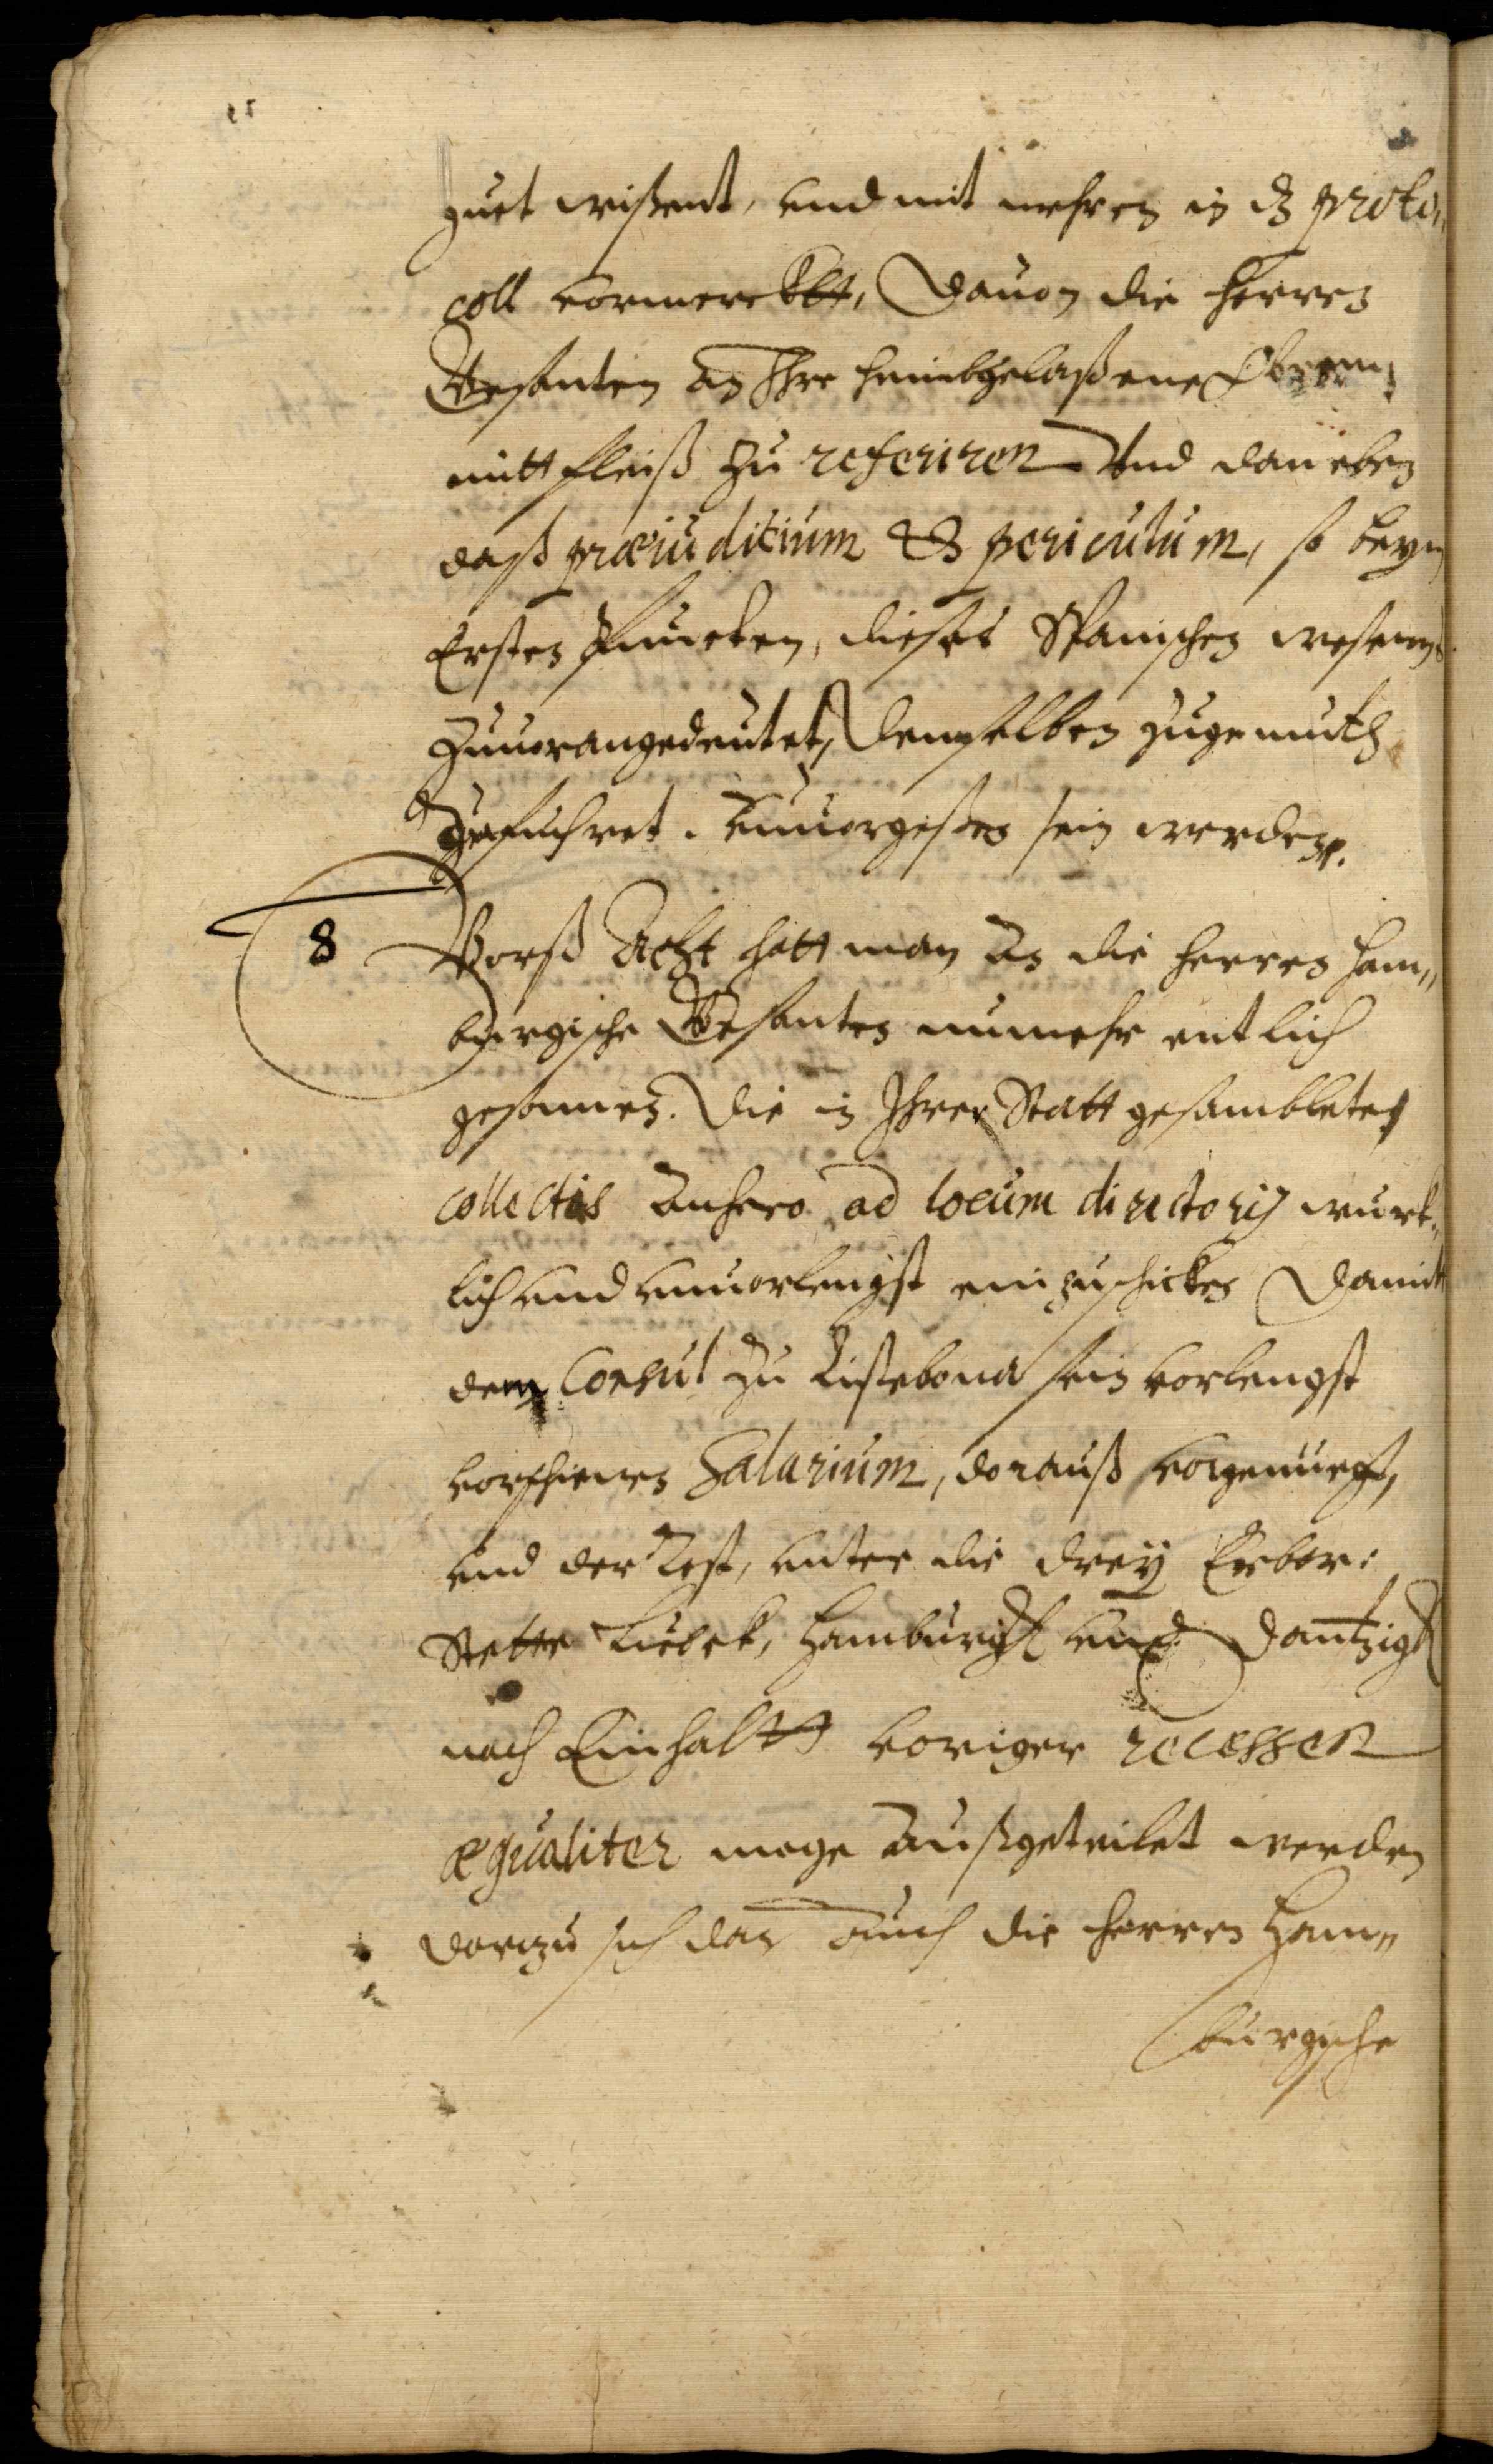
guet wißendt, vnd mit mehren in das proto¬
coll vormercktt, dauon die herren
Gesanten an Ihre heimbgelaßene Obern
mitt fleiß zu referiren Vnd dan eben
daß praeiudicium & pericutum, so beym
Ersten Punckten, dießes Spanischen wesenn
zuuorangedeutet, Demselben zugemuth
gefuhret. Vnuergeßen sein werden.
8
Vorß Acht hatt man An die herren ham¬
burgische Gesanten numehr entlich
gesonnen. Die in Ihrer Statt gesambleten
collectis Anhero ad locum directorij wurk¬
lich vnd vnuorlengst einzuschicken Damit
dem Consul zu Lißebona sein vorlengst
vorschienen Salarium, dorauß vorgenüegt,
vnd der Rest, vnter die dreij Erbar:
Stette Lubek, Hamburgk vnd Dantzigk
nach Einhaltt voriger recessen
aequaliter moge Außgeteilet werden
darzu sich dan Auch die herren Ham¬
burgische
